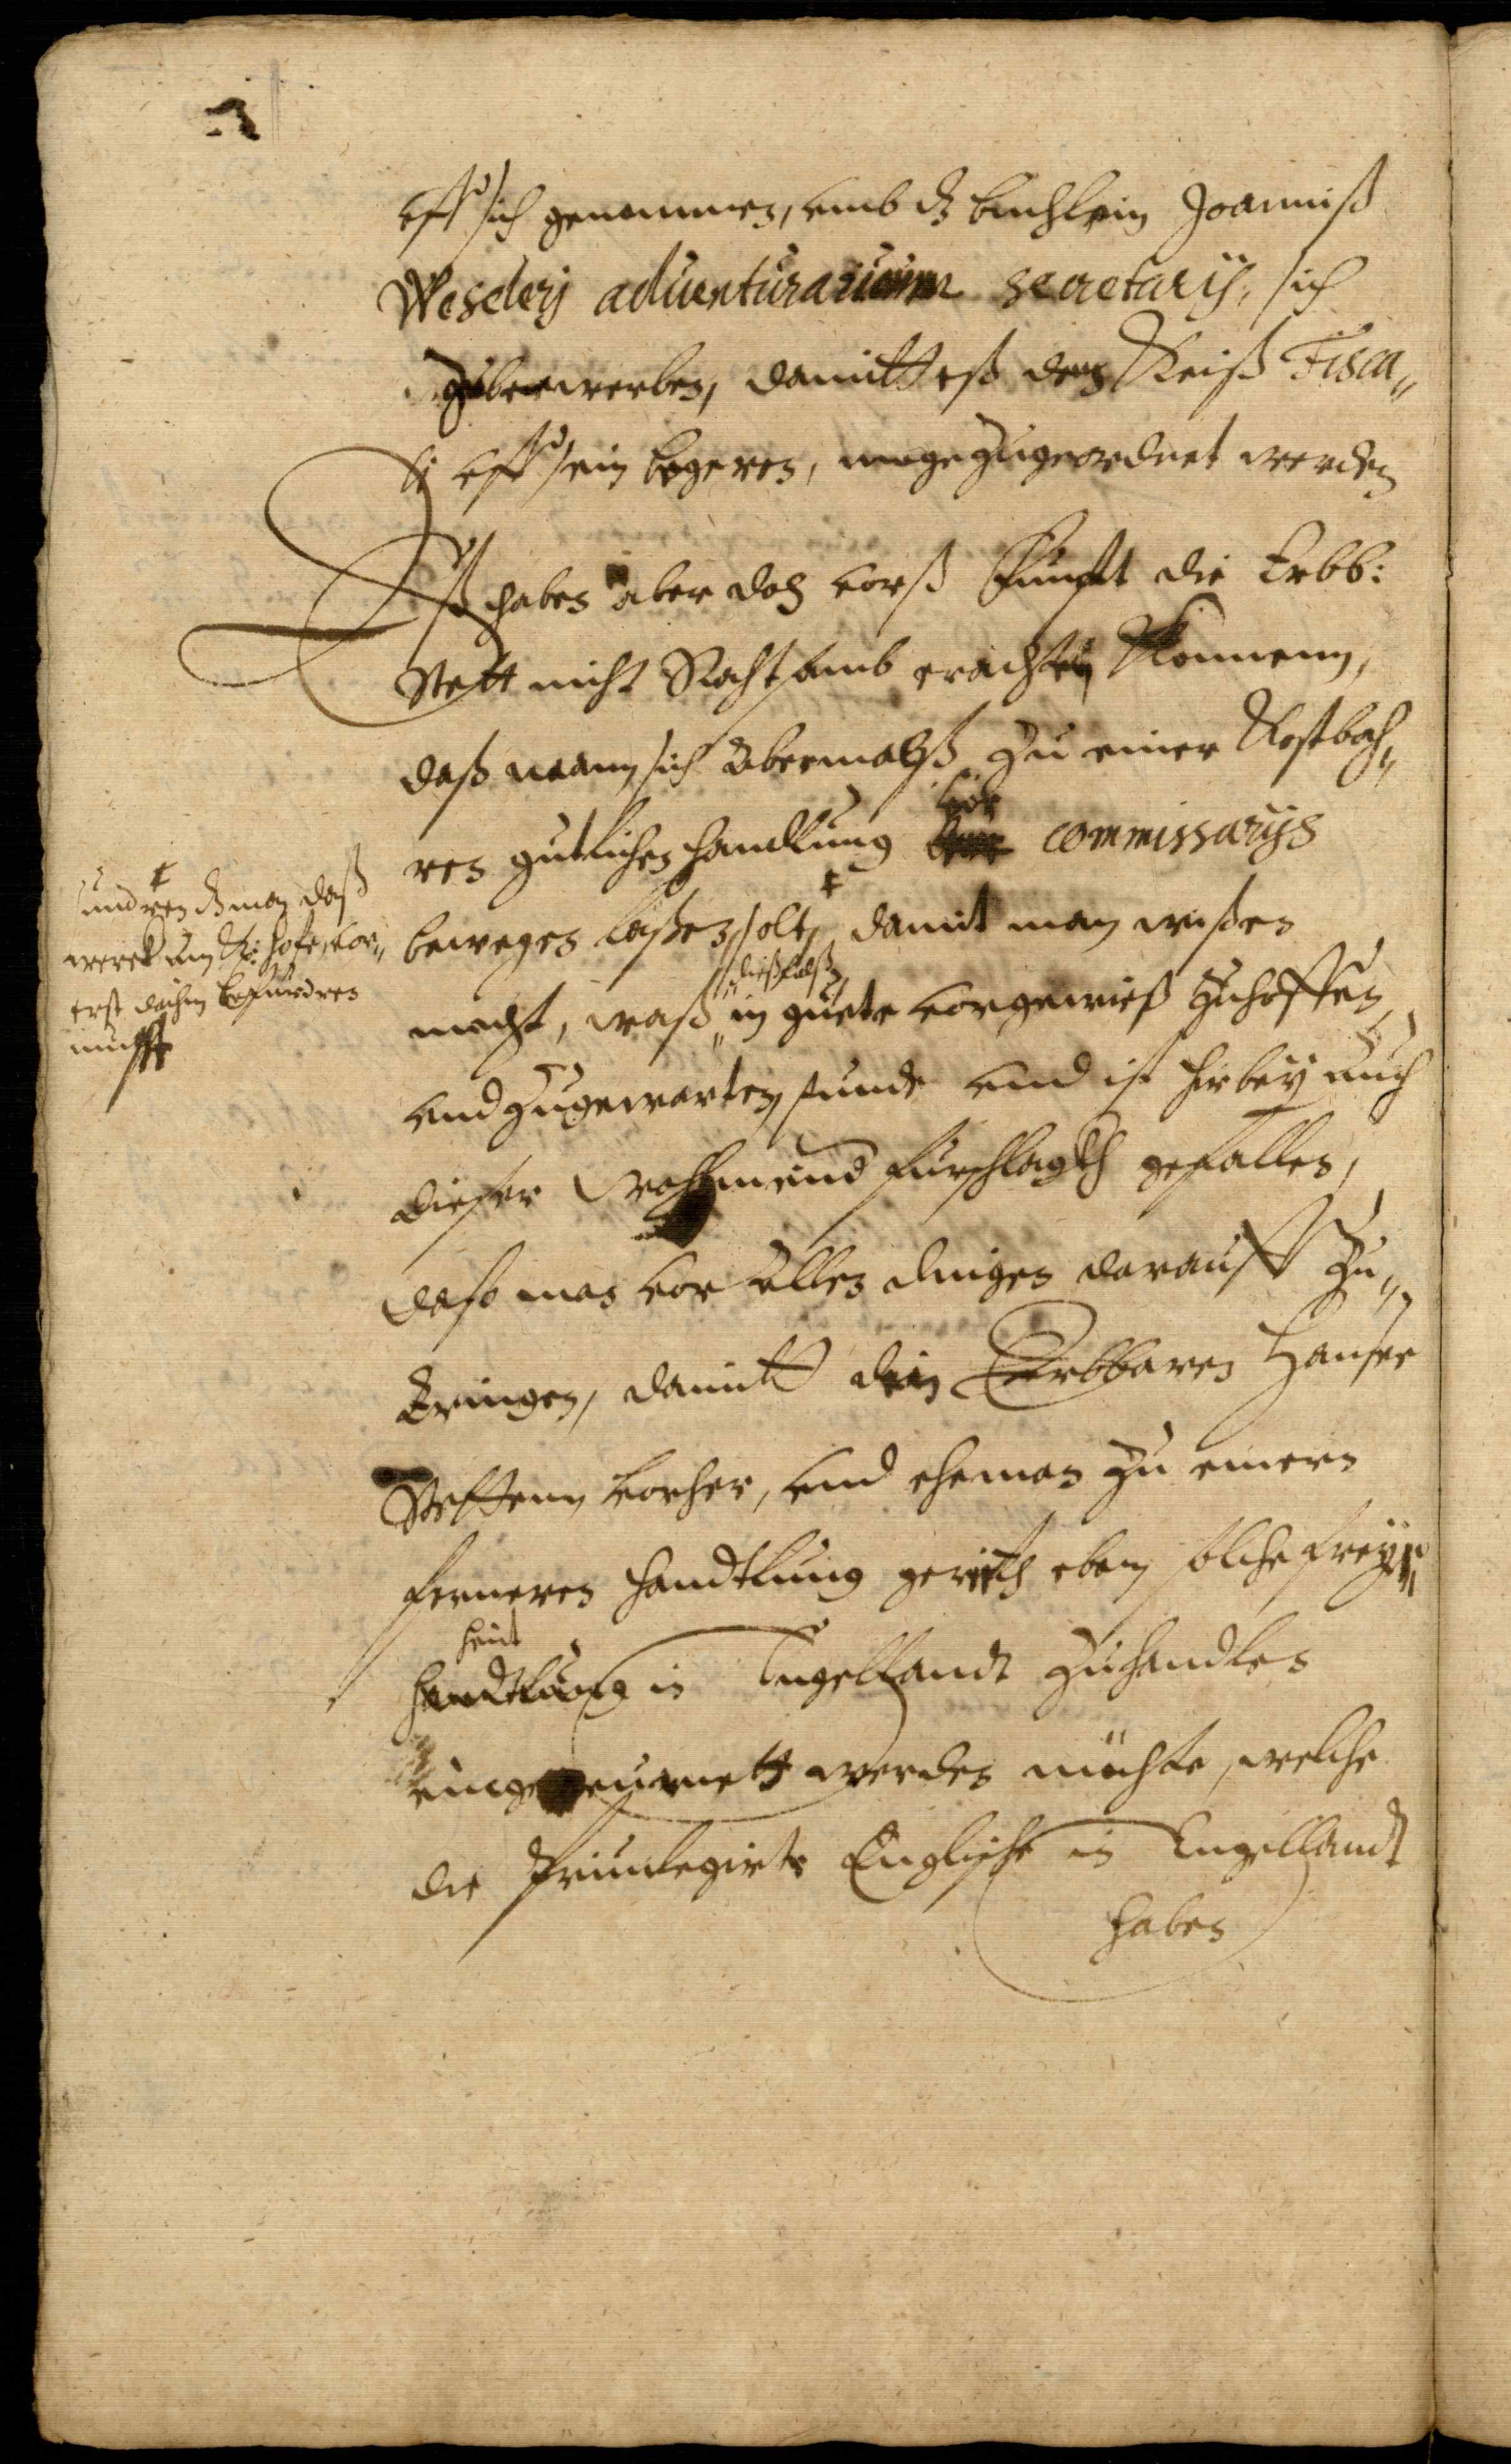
vff sich genommen, vmb das buchlein Joanniß
Weselerj aduenturarium secretarij,sich
zubewerben, damitt eß dem Keiß Fisca¬
li vff sein begeren, moge zugeordnet werden
Eß haben aber doch vorß Funft die Erbb:
Stett nicht Rahtsamb erachtenn Konnenn,
daß mann sich Abermalß zu einer Kostbah¬
ren gutlichen handlung euer vor commissarijs
bewegen laßen solt, damit man wißen
mocht, waß dießfalß in guete vorgewiß zuhoffen,
vnd zugewarten stunde vnd ist hirbeij Auch
dieser wohlmeind furschlagkh gefallen,
daß man vor Allen dingen darauff zu¬
tringen, damitt den Erbbaren Hansee
Stettenn vorher, vnd eheman zu einern
ferneren handtlung gerith eben solche freij¬
heit
handtlung in Engellandt zuhandlen
eingereumett werden möchte,welche
die Priuilegirte Englische in Engellandt
haben
F
undren das man daß
werck Am K.hofe, vor¬
erst dahin befurdren
muste
